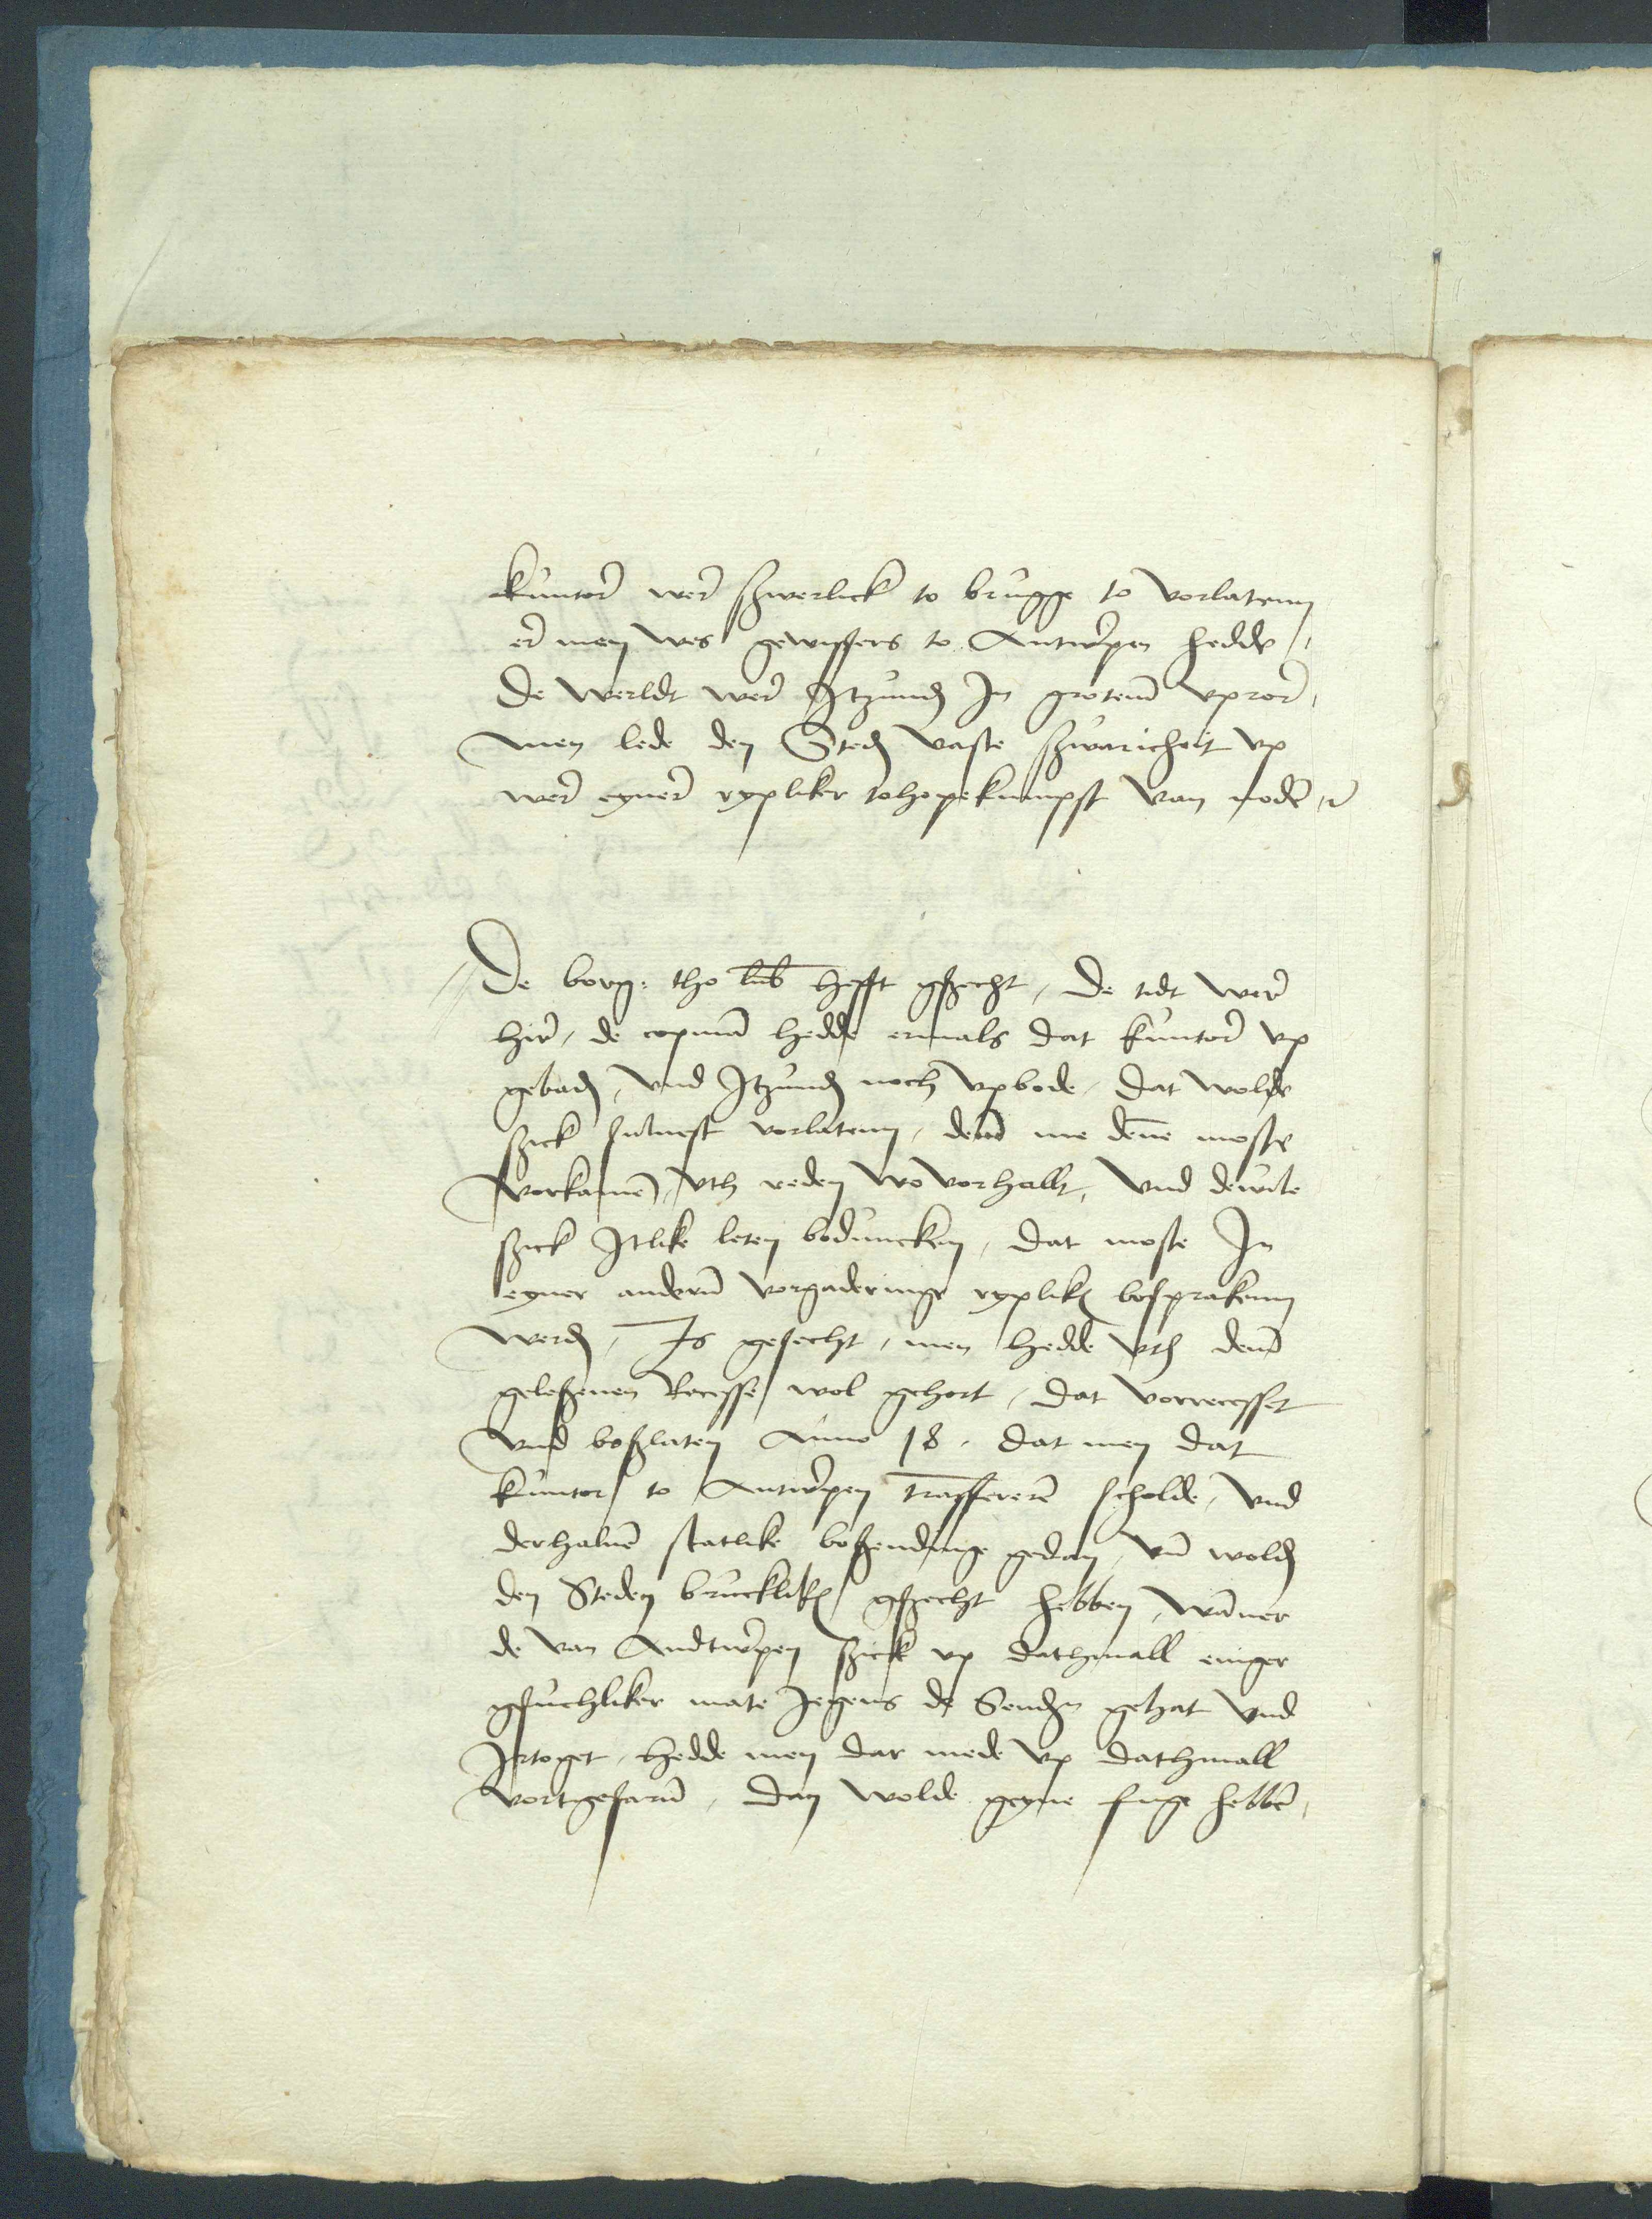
kuntor were ßwerlick to brugge to vorlatenn
ere men wes gewissers to Antwerpen hedde,
de werldt were Itzundes Jn grotem vpror,
men lede den Steden vaste ßwaricheit vp
wer eyner rypliker tohopekumpst van noden etcetera
De borg: tho lubeck hefft gßecht, de tidt were
hir, de copman hedde ermals dat kuntor vp¬
gebaden, vnd Jtzundes noch vpbode, dat wolde
ßick sulest vorlatenn, dem me denne moste
vorkamen, vth reden wo vorhallen, vnd dewile
ßick Jtlike leten boduncken, dat moste Jn
eyner anderen vorgaderunge rypliken besprakenn
werden, Js gesecht, men hedde vth dem
geleßenen Recesse wol gehort, dat vorrecesset
vnd boßlaten Anno 18, Dat men dat
kuntor to Antwerpen transfereren scholde, vnd
derhaluen statlike boßendinge gedan, vnd wolden
den Steden bruckliken gßecht hebben, wenner
de van Andtwerpen ßick vp dathmall eniger
gfuchliker mate Jegens de Sendebaden gehat vnd
Jrtoget, hedde men dar mede vp dathmall
vortgefaren, Dan wolde geyne fuge hebben
